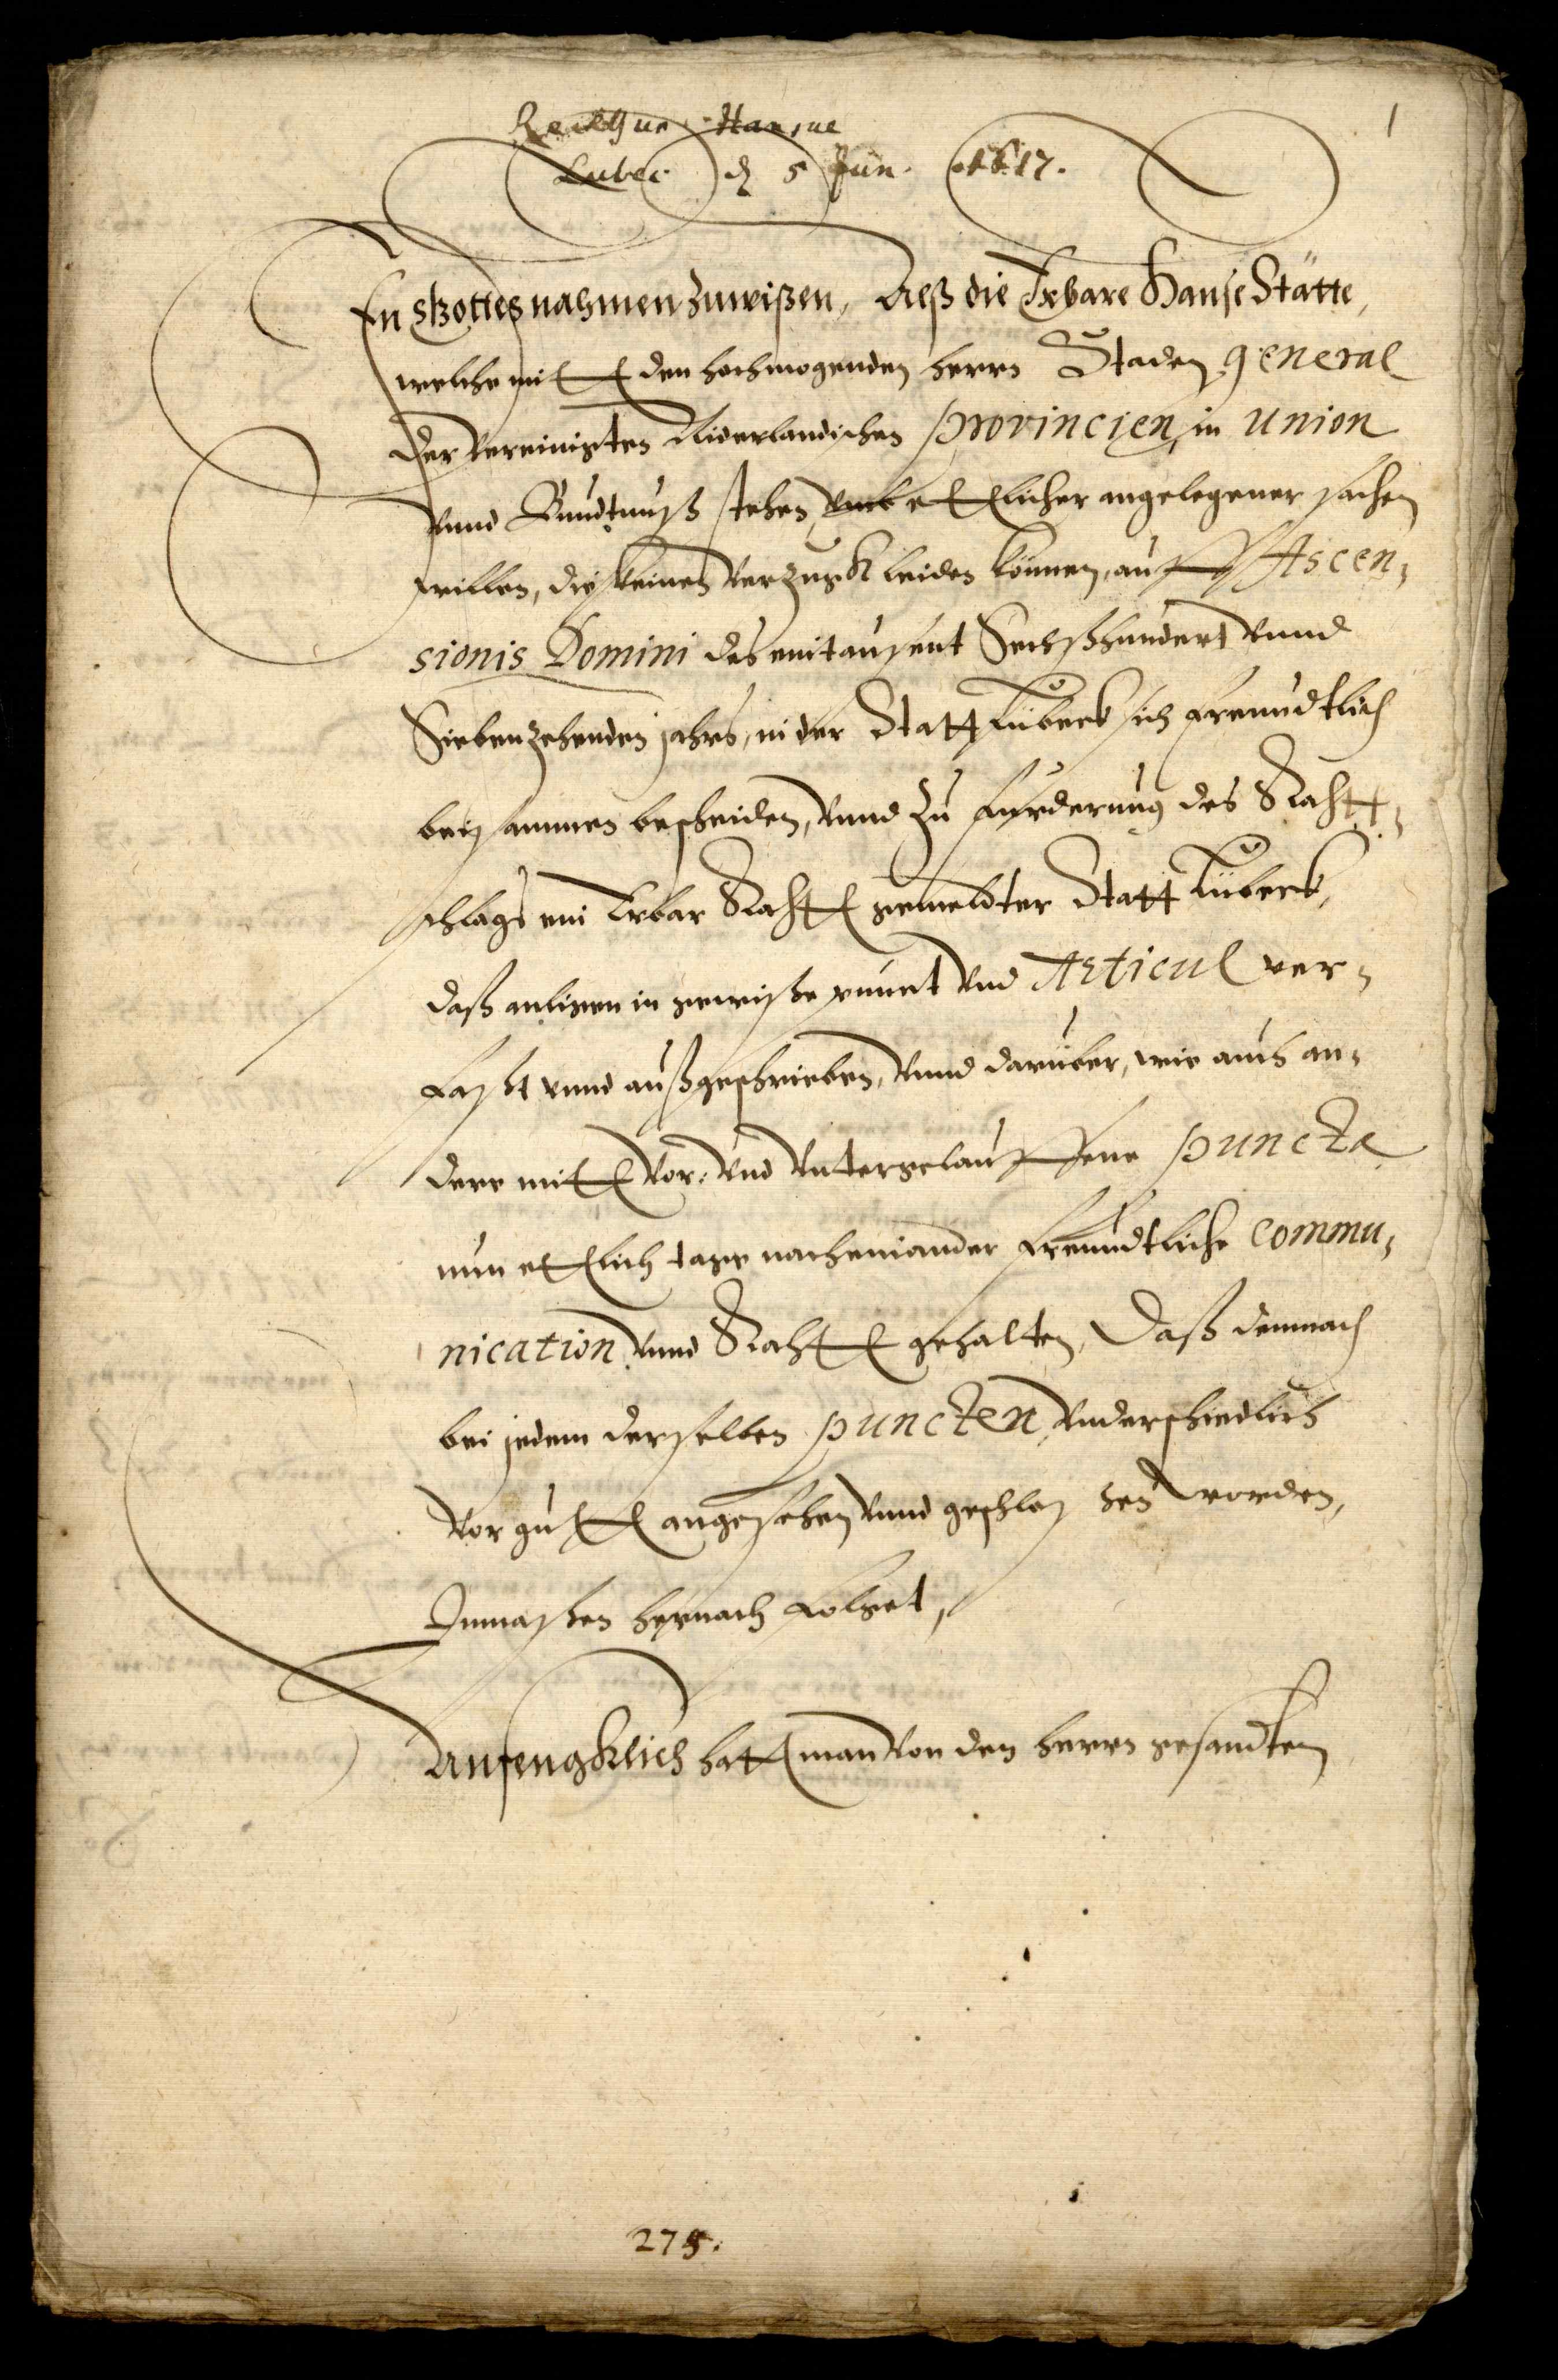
1
Reccesus Hansae
Lubec der 5 Jun.1617.
Jn Gottes nahmen zuwißen, alß die Erbare Hanse Stätte,
welche mitt den hochmogenden herrn Staden general
der Vereinigten Niderlandischen provincien, in union
vnnd Bundtnuß stehen, vmb ettlicher angelegener sachen
willen, die keinen verzugk leiden können, auff Ascen¬
sionis Domini des eintausent Sechshundert vnnd
Siebenzehenden jahrs, in der Statt Lübeck sich freundtlich
beij sammen bescheiden, vnnd zu furderung des Rahtt¬
schlags ein Erbar Rahtt gemeldter Statt Lübeck,
daß anligen in gewiße punct vnd Articul ver¬
faßt vnnd außgeschrieben, vnnd darüber, wie aus an¬
dere mitt Vor: vnd Vntergelauffene puncta
nun ettlich tage nacheinander freundtliche commu¬
nication vnnd Rahtt gehalten, daß demnach
bei jedem derselben puncten, vnderschiedlich
vor gutt angesehen vnnd geschloßen worden,
Inmaßen hernach folget,
Anfengklich hatt man von den herrn gesandten
275
